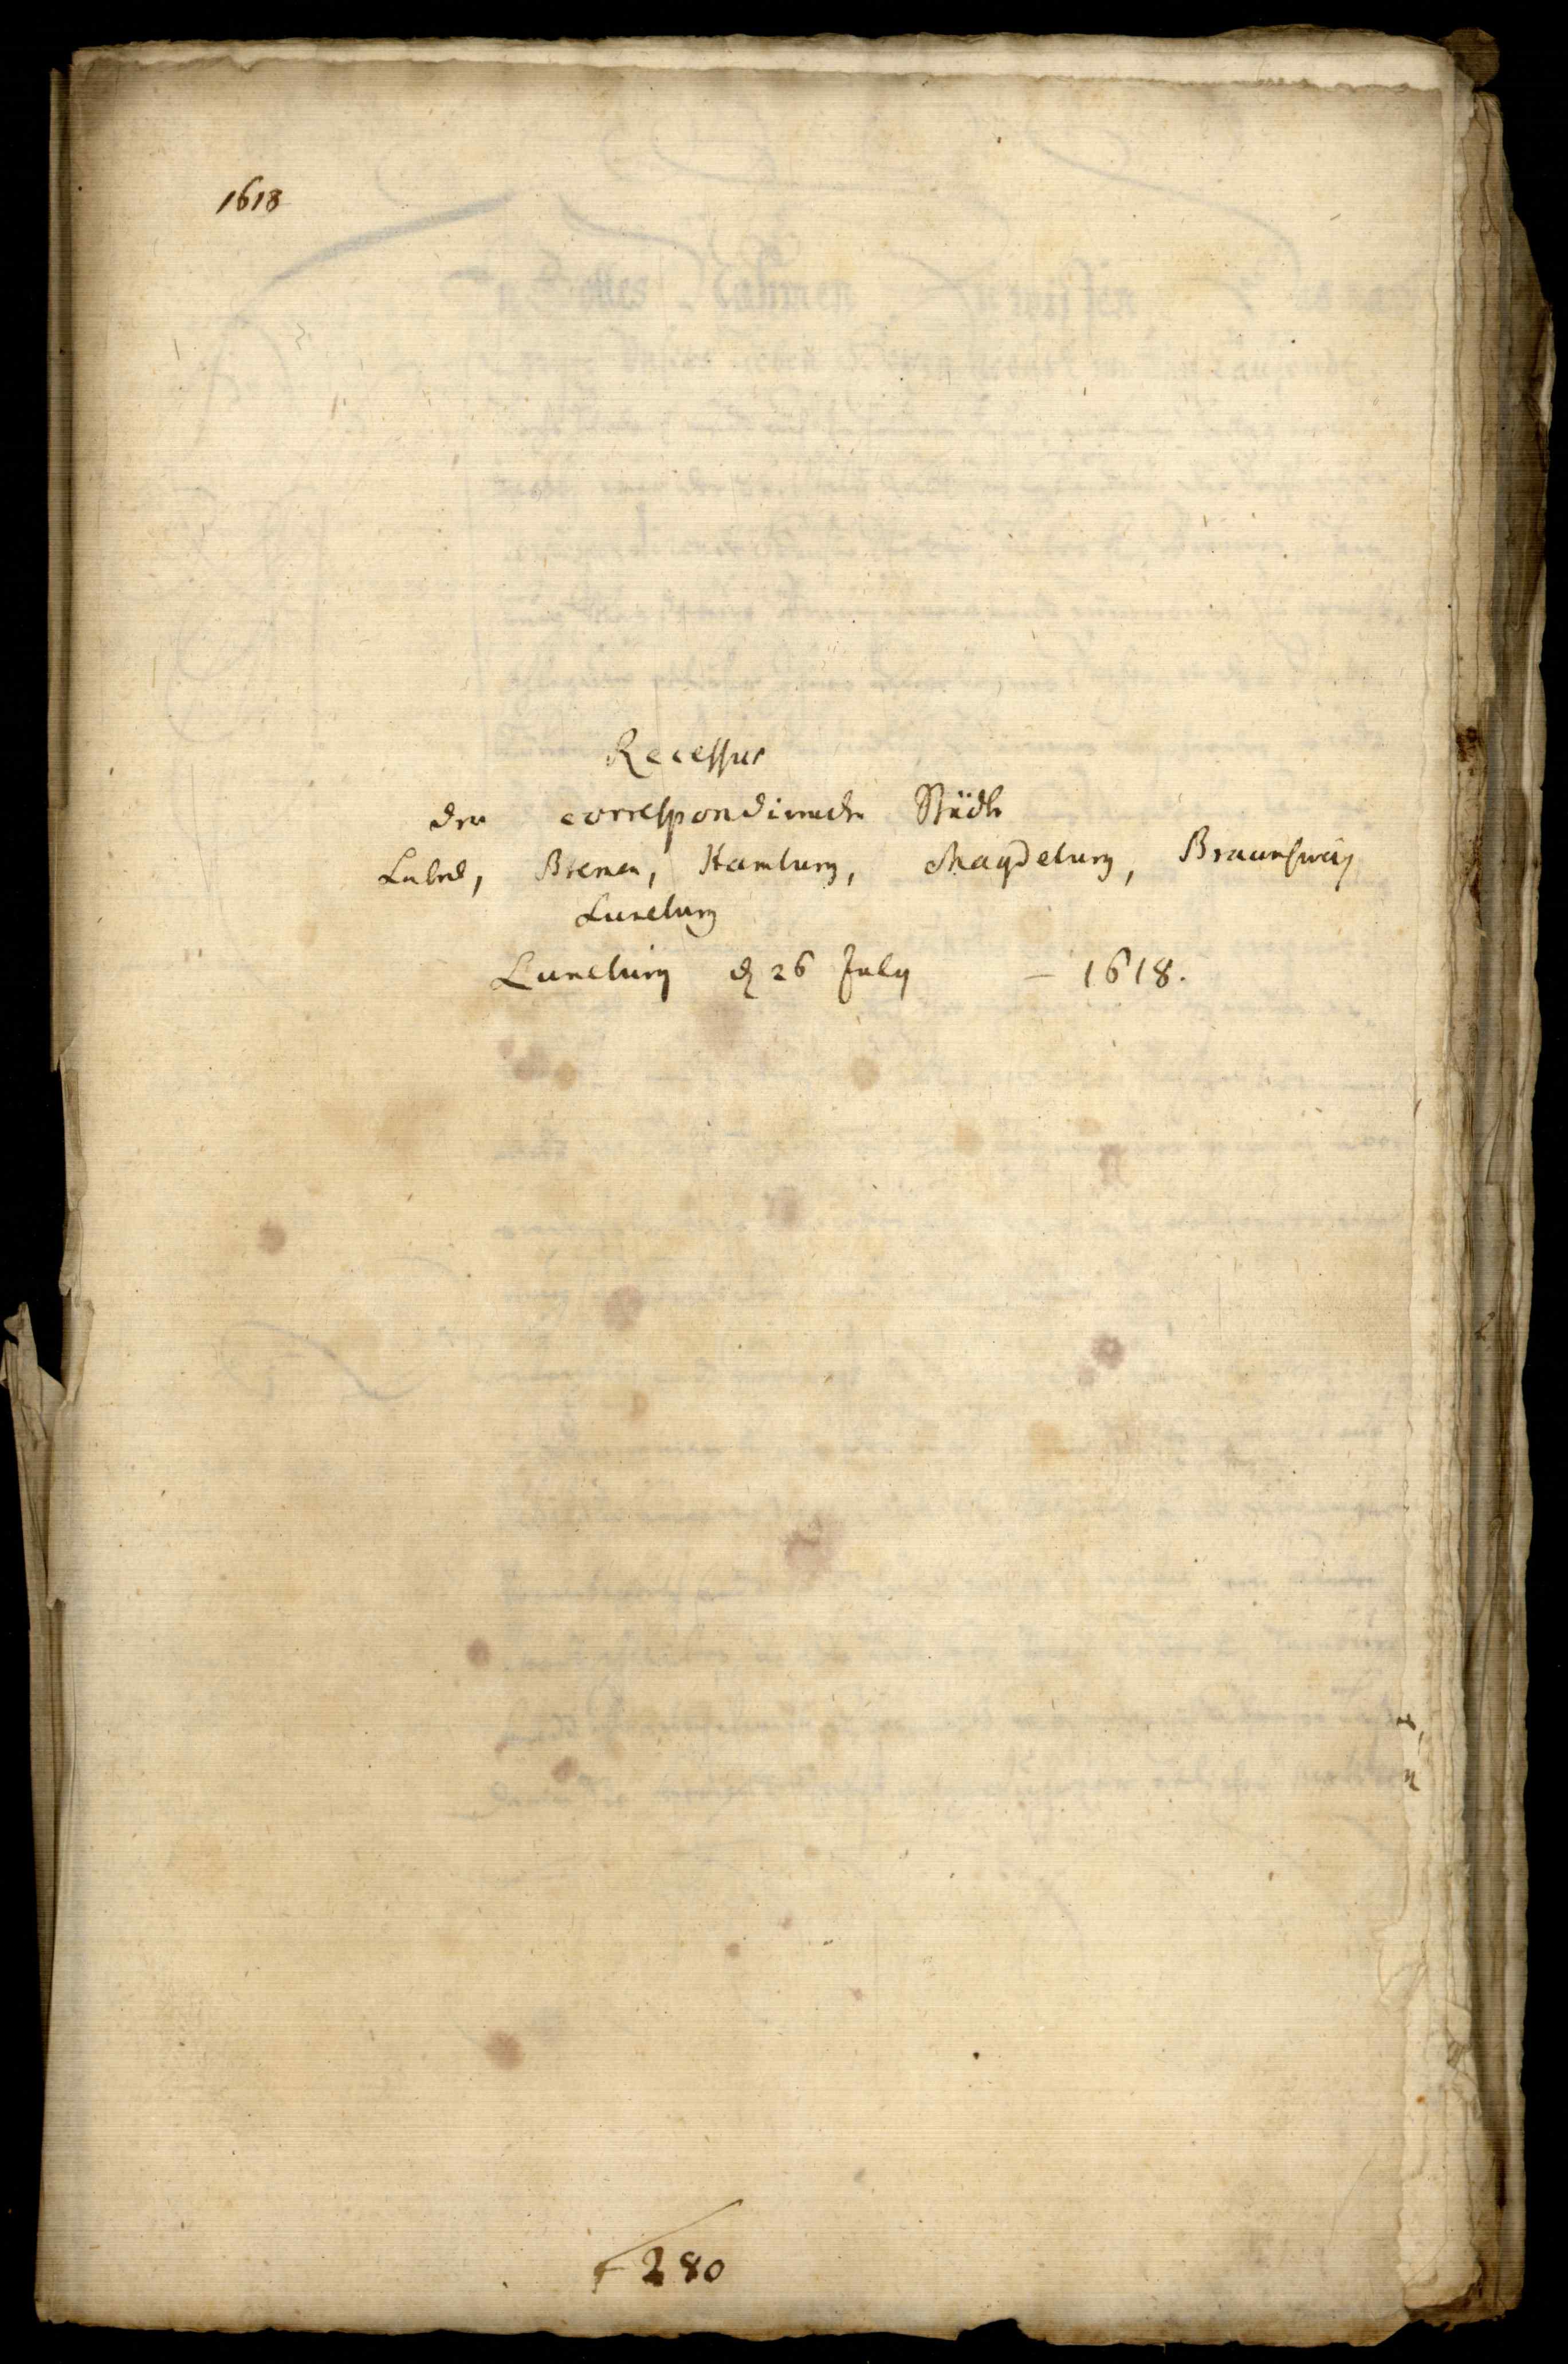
1618
Recessus
der correspondirnden Städte
Lubeck, Bremen, Hamburg, Magdeburg, Braunsweig
Luneburg
Luneburg den 26 July 1618
280
